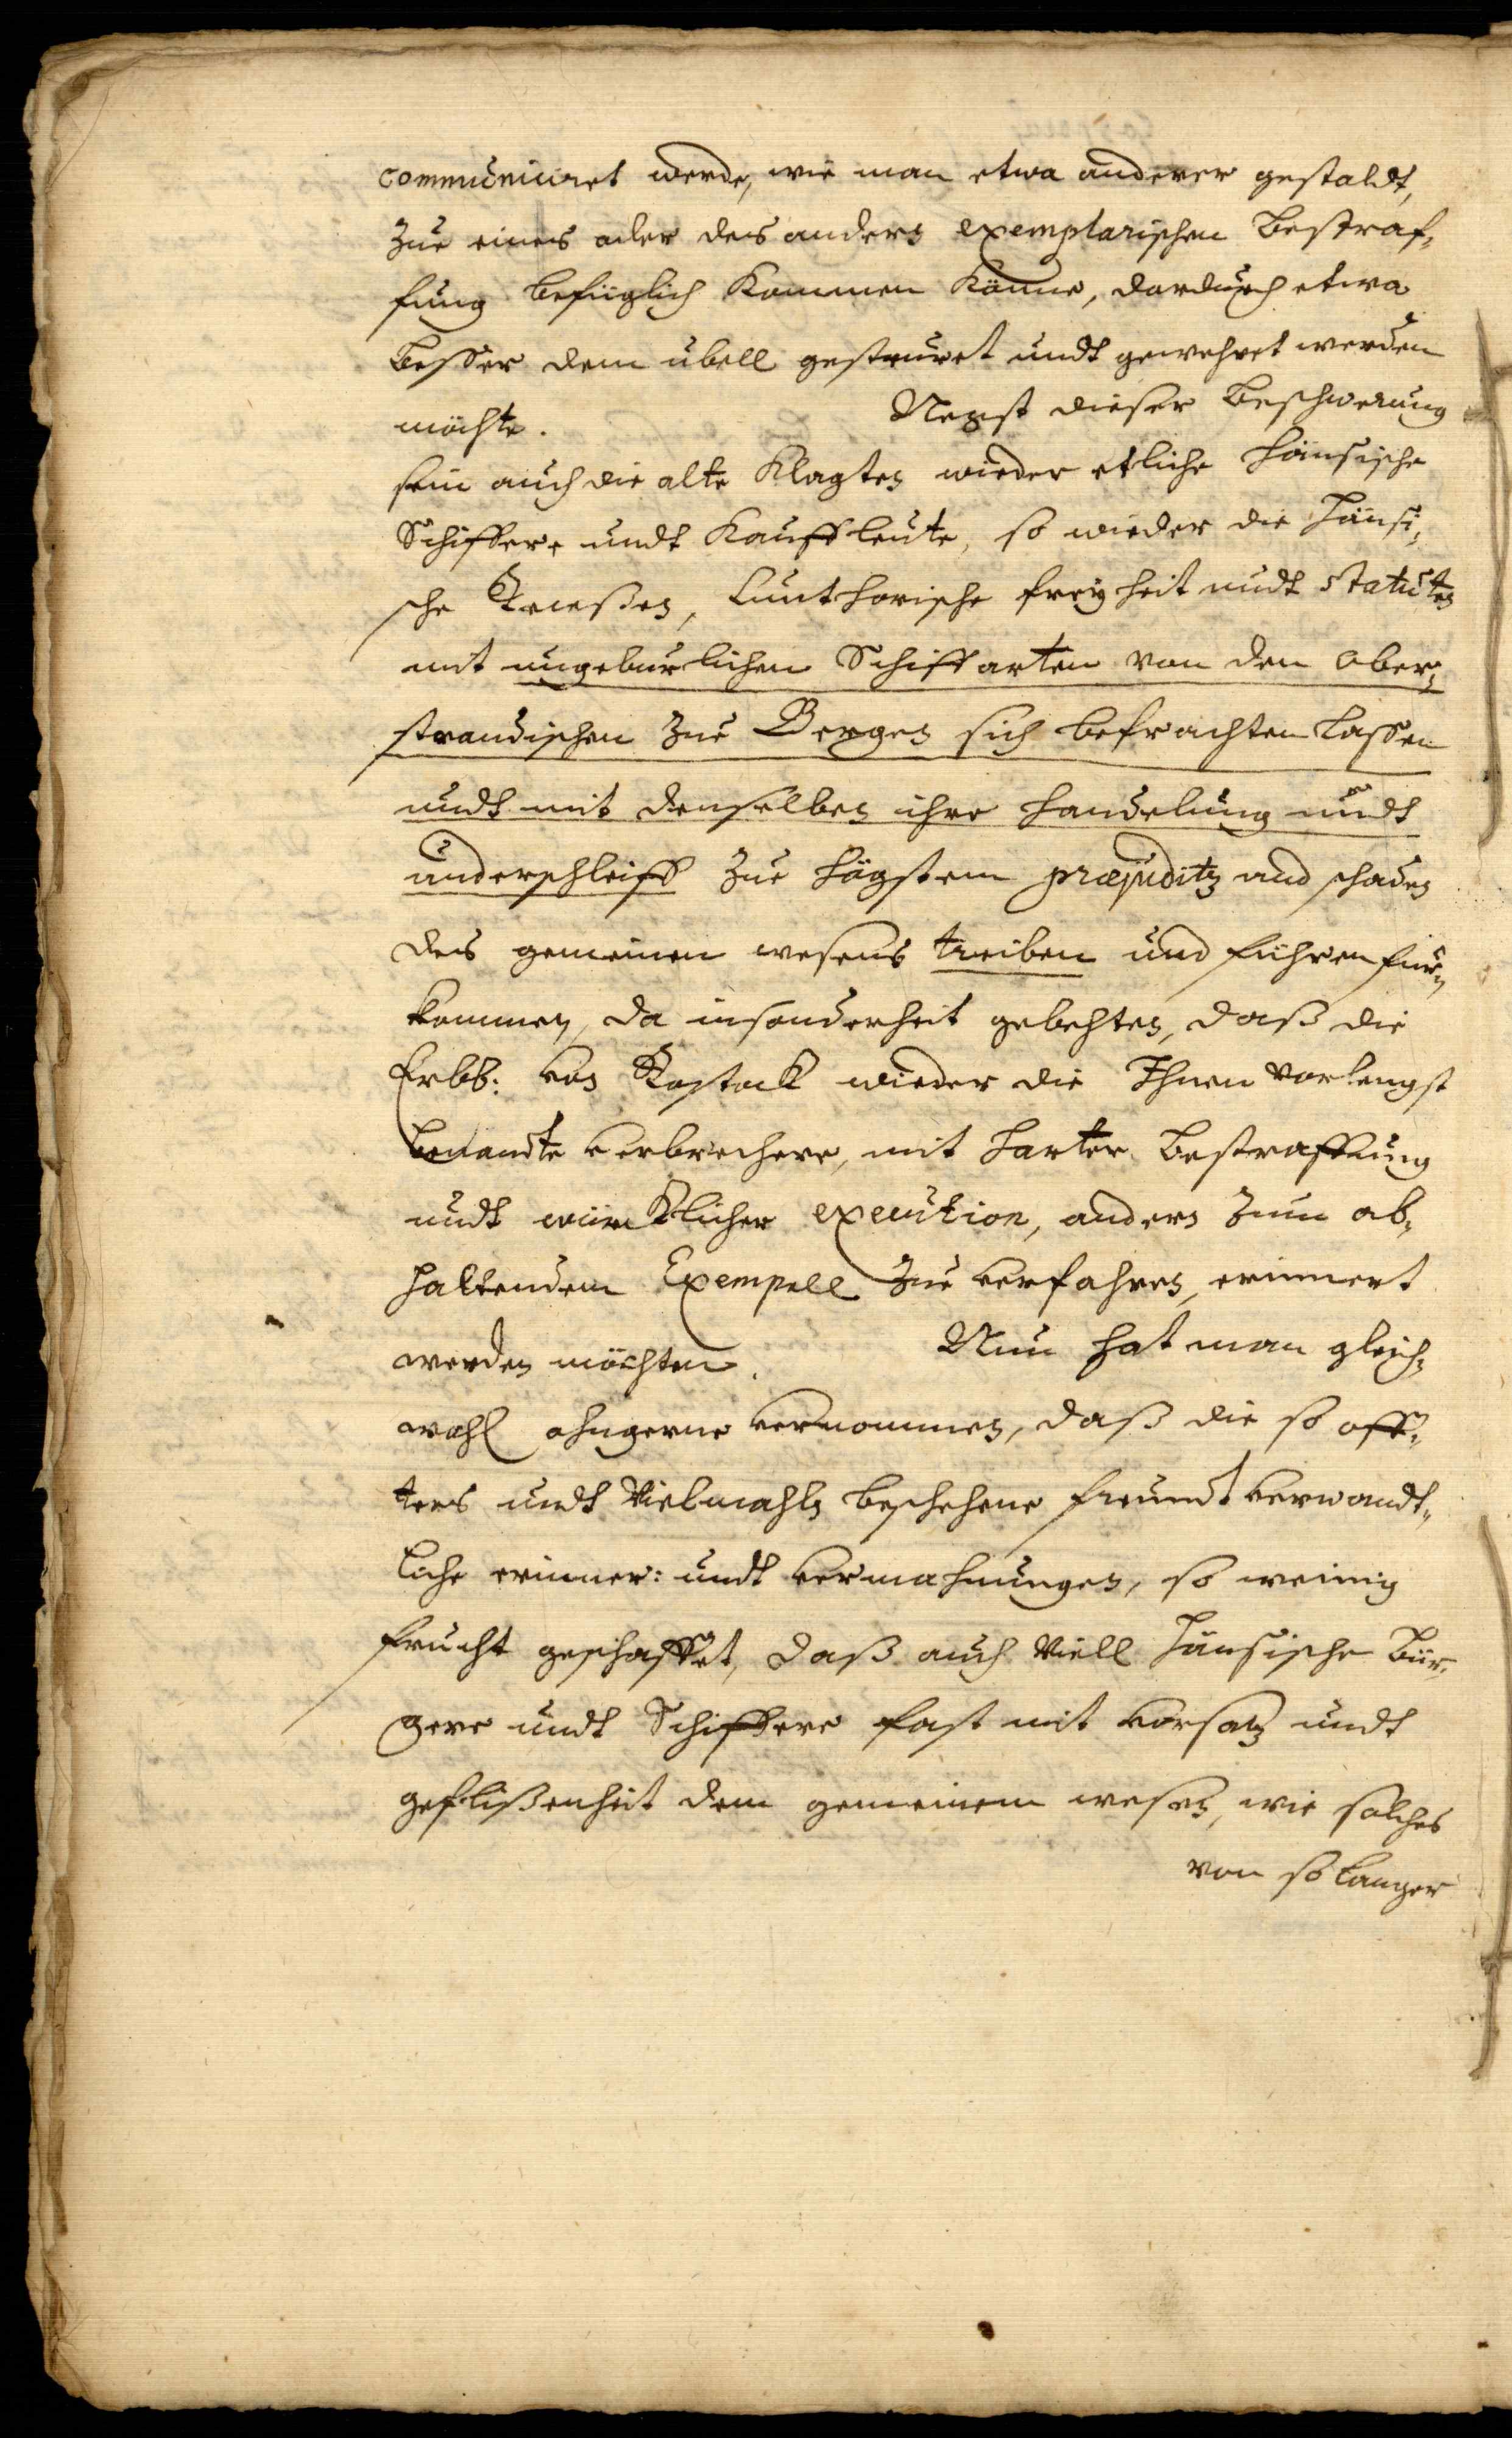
communiciret werde, wie man etwa anderer gestaldt,
zue eines oder des andern exemplarischen bestraf¬
fung befüglich kommen könne, dardurch etwa
besser dem ubell gestuwet undt gewehret werden
möchte. Negst dieser beschwerung
sein auch die alte klagten wieder etliche hänsische
Schiffere undt Kauffleute, so wieder die Hänsi¬
sche Receßen, Cunthorische freijheit undt statuten
mit ungeburlichen Schiffarten von den ober¬
strandischen zue Bergen sich befrachten lassen
undt mit denselben ihre handelung undt
underschleiff zur högstem praejuditz und schaden
des gemeinen wesens treiben und führen fur¬
kommen, da insonderheit gebehten, daß die
Erbb: von Rostock wieder die Ihnen vorlengst
benandte verbrechere, mit harter bestraffung
undt würcklicher execution, andern zum ab¬
haltendem Exempell zu verfahren, erinnert
werden möchten. Nun hat man gleich¬
wahl ohngerne vernommen, daß die so oft¬
ters undt vielmahln beschehene freundt verwandt¬
liche erinner: undt vermahnungen, so weinig
frucht geschaffet, daß auch viell hänsische bür¬
gere undt schiffere fast mit vorsatz undt
geflißenheit dem gemeinem wesen, wie solches
von so langer
